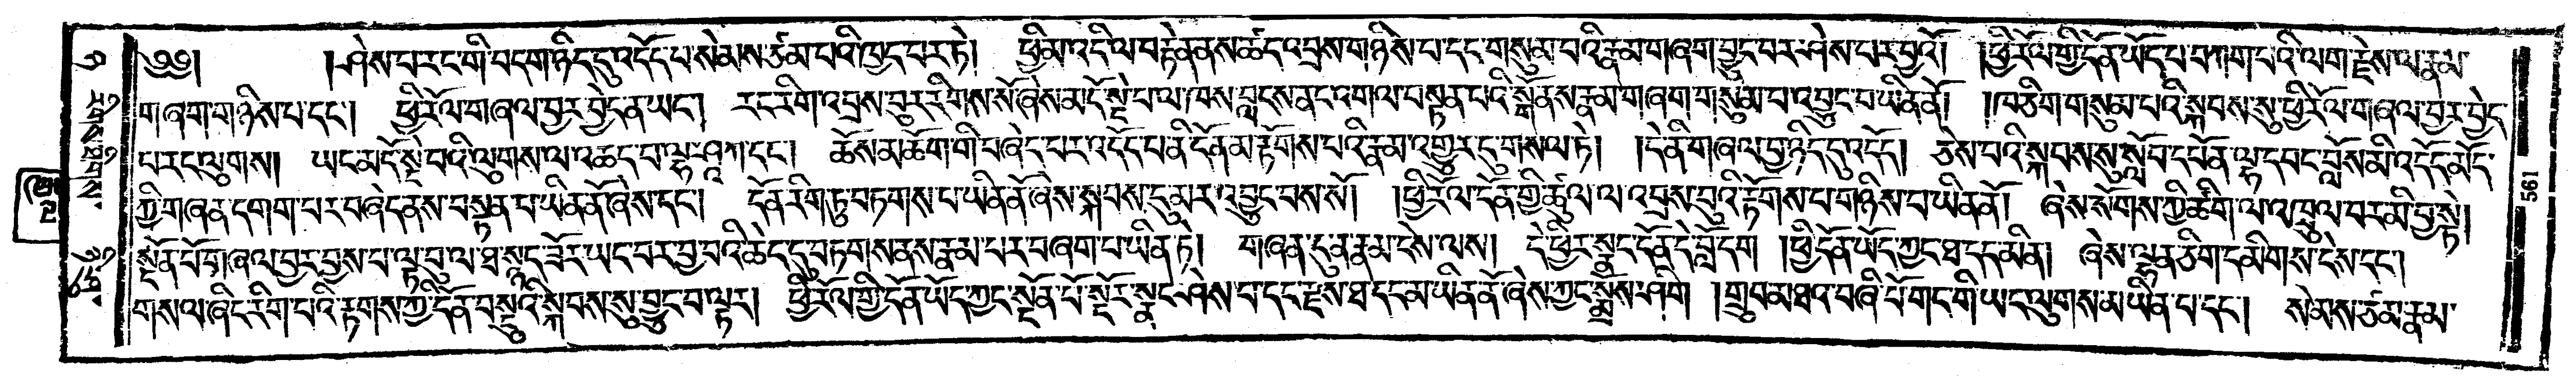༄༅། །ཤེས་པ་རང་གི་བདག་ཉིད་དུ་འདོད་པ་སེམས་ཙམ་པའི་ཁྱད་པར་ཏེ། ཕྱི་མ་འདི་ལ་བརྟེན་ནས་ཚད་འབྲས་གཉིས་པ་དང་གསུམ་པའི་རྣམ་གཞག་བྱུང་བར་ཤེས་པར་བྱའོ། །ཕྱི་རོལ་གྱི་དོན་ཡོད་པ་བཀག་པའི་ལག་རྗེས་ལ་རྣམ་
གཞག་གཉིས་པ་དང་། ཕྱི་རོལ་གཞལ་བྱར་བྱེད་ན་ཡང་། རང་རིག་འབྲས་བུར་རིགས་སོ་ཞེས་མདོ་སྔ་པ་ལ་ཁས་བླངས་ནང་འགལ་བསྟན་པའི་སྒོ་ནས་རྣམ་གཞག་གསུམ་པ་འབྱུང་བ་ཡིན་ནོ། །ཁ་ཅིག་གསུམ་པའི་སྐབས་སུ་ཕྱི་རོལ་གཞལ་བྱར་བྱེད་
པ་རང་ལུགས། ཡང་མདོ་སྡེ་བའི་ལུགས་ལ་འཆད་པ་ལྷ་ཤཱ་ཀ་དང་། ཆོས་མཆོག་གི་བཞེད་པར་འདོད་པ་ནི་དོན་མ་རྟོགས་པའི་རྣམ་འགྱུར་དུ་གསལ་ཏེ། དེ་ནི་གཞལ་བྱ་ཉིད་དུ་འདོད། ཅེས་པའི་སྐབས་སུ་སློབ་དཔོན་ལྷ་དབང་བློས་མི་འདོད་མོད་
ཀྱི་གཞན་དགག་པར་བཞེད་ནས་བསྟན་པ་ཡིན་ནོ་ཞེས་དང་། དོན་རིག་ཏུ་བཏགས་པ་ཡིན་ནོ་ཞེས་སྐབས་དུ་མར་འབྱུང་བས་སོ། །ཕྱི་རོལ་དོན་གྱི་ཚུལ་ལ་འབྲས་བུའི་རྟོགས་པ་གཉིས་པ་ཡིན་ནོ། ཞེས་སོགས་ཀྱི་ཚིག་ལ་འཁྲུལ་བར་མི་བྱ་སྟེ།
སྔོན་པོ་གཞལ་བྱར་བྱས་པ་ལྟ་བུ་ལ་ཐ་སྙད་ཟོར་ཡང་བར་བྱ་བའི་ཆེད་དུ་བཏགས་ནས་རྣམ་པར་བཞག་པ་ཡིན་ཏེ། གཞན་དུ་ན་རྣམ་ངེས་ལས། དེ་ཕྱིར་སྣང་དོན་དེ་བློ་དག །ཕྱི་དོན་ཡོད་ཀྱང་ཐ་དད་མིན། ཞེས་ལྷན་ཅིག་དམིགས་ངེས་དང་།
གསལ་ཞིང་རིག་པའི་རྟགས་ཀྱི་དོན་བསྡུའི་སྐབས་སུ་བྱུང་བ་ལྟར། ཕྱི་རོལ་གྱི་དོན་ཡོད་ཀྱང་སྔོན་པོ་སྔོར་སྣང་ཤེས་པ་དང་རྫེས་ཐ་དད་མ་ཡིན་ནོ་ཞེས་ཀྱང་སྨྲོས་ཤིག །གྲུབ་མཐའ་བཞི་པོ་གང་གི་ཡང་ལུགས་མ་ཡིན་པ་དང་། སེམས་ཙམ་རྣམ་